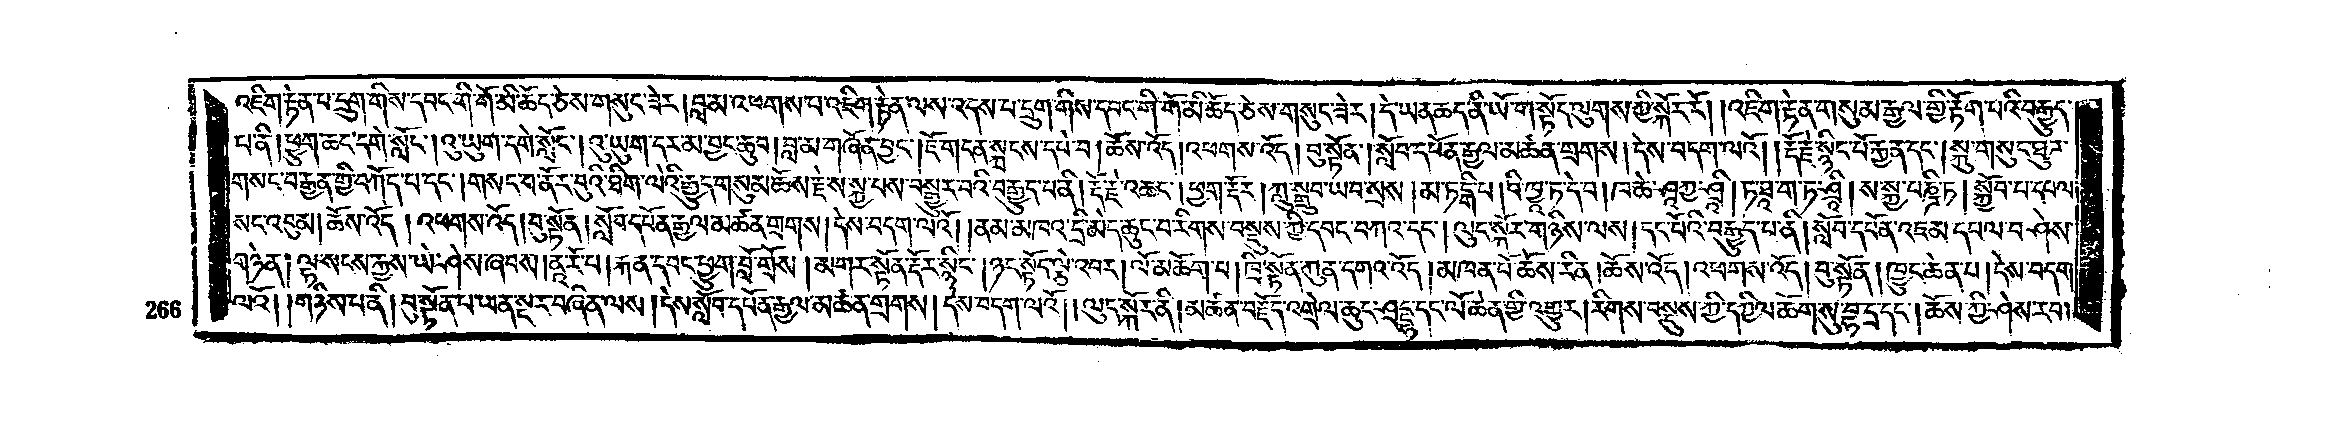འཇིག་རྟེན་པ་དྲུག་གིས་དབང་གི་གོ་མི་ཆོད་ཅེས་གསུང་ཟེར། བླ་མ་འཕགས་པ་འཇིག་རྟེན་ལས་འདས་པ་དྲུག་གིས་དབང་གི་གོ་མི་ཆོད་ཅེས་གསུང་ཟེར། དེ་ཡན་ཆད་ནི་ཡོ་ག་སྟོད་ལུགས་ཀྱི་སྐོར་རོ། །འཇིག་རྟེན་གསུམ་རྒྱལ་གྱི་རྟོག་པའི་བརྒྱུད་
པ་ནི། ཕྱག་ཆང་དགེ་སློང་། འུ་ཡུག་དགེ་སློང་། འུ་ཡུག་དར་མ་བྱང་ཆུབ། བླ་མ་གཞོན་བྱང་། ཇོ་གདན་སྐྲངས་དཔེ་བ། ཆོས་འོད། འཕགས་འོད། བུ་སྟོན། སློབ་དཔོན་རྒྱལ་མཚན་གྲགས། དེས་བདག་ལའོ། །རྡོ་རྗེ་སྙིང་པོ་རྐྱན་དང་། སྐུ་གསུང་ཐུཌ་
གསང་བ་རྒྱན་གྱི་བཀོད་པ་དང་། གསང་བ་ནོར་བུའི་ཐིག་ལེའི་རྒྱུད་གསུམ་ཆོས་རྗེ་ས་སྐྱ་པས་བསྒྱུར་བའི་བརྒྱུད་པ་ནི། རྡོ་རྗེ་འཆང་། ཕྱག་རྡོར། ཀླུ་སྒྲུབ་ཡབ་སྲས། མ་ཏངྒི་པ། བི་ཁྱཱ་ཏ་དེ་བ། ཁ་ཆེ་ཤཱཀྱ་ཤྲཱི། ཏ་ཐཱ་ག་ཏ་ཤྲཱི། ས་སྐྱ་པཎྜི་ཏ། སྐྱོབ་པ་དཔལ་
སང་འབུམ། ཆོས་འོད། འཕགས་འོད། བུ་སྟོན། སློབ་དཔོན་རྒྱལ་མཚན་གྲགས། དེས་བདག་ལའོ། །ནམ་མཁའ་དྲི་མེད་ཆུང་བ་རིགས་བསྡུས་ཀྱི་དབང་བཀའ་དང་། ལུང་སྐོར་གཉིས་ལས། དང་པོའི་བརྒྱུད་པ་ནི། སློབ་དཔོན་འཇམ་དཔལ་བཤེས་
གཉེན། ལྷ་སངས་རྒྱས་ཡེ་ཤེས་ཞབས། ནཱ་རོ་པ། རྐན་དབང་ཕྱུག་བློ་གྲོས། མགར་སྟོན་རྡོར་སྙིང་། ཉང་སྟོང་ལྕེ་འབར། ལོ་མཆོག་པ། ཁྲི་སྟོན་ཀུན་དགའ་འོད། མཁན་པོ་ཆོས་རིན། ཆོས་འོད། འཕགས་འོད། བུ་སྟོན། ཁྱུང་ཆེན་པ། དེས་བདག་
ལའོ། །གཉིས་པ་ནི། བུ་སྟོན་པ་ཡན་སྔར་བཞིན་ལས། དེས་སློབ་དཔོན་རྒྱལ་མཚན་གྲགས། དེས་བདག་ལའོ། །ལུང་སྐོར་ནི། མཚན་བརྗོད་འགྲེལ་ཆུང་ཤྲདྡྷ་དང་ལོ་ཆེན་གྱི་འགྱུར། རིགས་བསྡུས་ཀྱི་དཀྱིལ་ཆོག་སུ་བྷ་དྲ་དང་། ཆོས་ཀྱི་ཤེས་རབ།